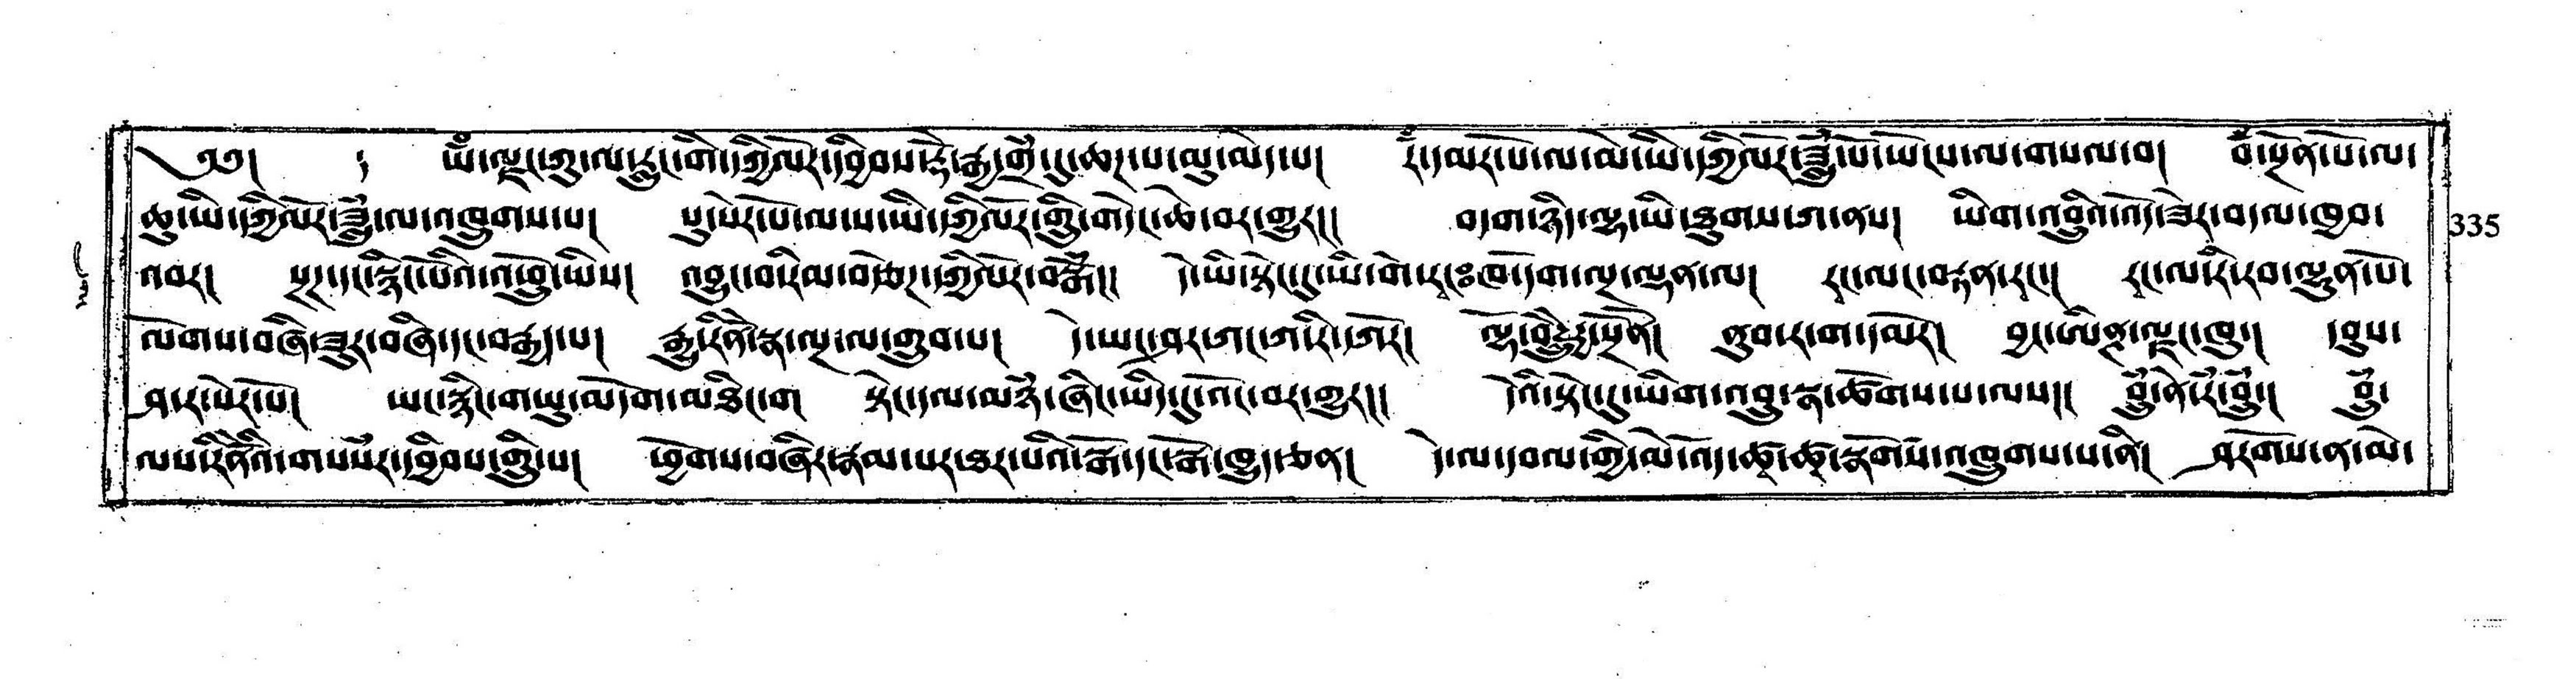ཡྃ་ལྗང་ཀུ་ལ་རླུང་གི་དཀྱིལ་འཁོར་དབྱིབས་རྡོ་རྗེ་རྒྱ་གྲམ་དུ་ཆགས་པ་མུ་མེད་པ། རྃ་དམར་པོ་ལ་མེ་ཡི་དཀྱིལ་འཁོར་ཟླུམ་པོ་ཡོངས་ལ་གསལ་བ། བྃ་སྔོན་པོ་ལ་
ཆུ་ཡི་དཀྱིལ་འཁོར་ཟླུམ་ལ་འཁྲུགས་པ། སུ་སེར་པོ་ལ་ས་ཡི་དཀྱིལ་འཁོར་གྲུ་བཞི་གདེང་ཆེ་བར་གྱུར། བདག་ཉིད་ལྷ་ཡི་ཐུགས་ཀ་ནས། ཡིག་འབྲུའི་འོད་ཟེར་བདལ་ཁྱབ་
འབར། སྔགས་དང་སྙིང་པོའི་འཕྲོ་འདུ་ཡིས། འབྱུང་བ་རིམ་བརྩེགས་དཀྱིལ་འཁོར་བསྒོམ།། དེ་ཡི་སྟེང་དུ་ཡི་གེ་རྭངཿཁ་དོག་ལྔ་ལྡན་ལ། རྭང་ལང་བརྟན་རྭང་། རྭང་ལ་རི་རབ་ལྷུན་པོ་
ལོགས་བཞི་ཟུར་བཞི་དང་བརྒྱད་པ། རྒྱུ་རིན་པོ་ཆེ་སྣ་ལྔ་ལ་གྲུབ་པ། དེ་ཡང་ཤར་ཀང་ཀ་རི་དཀར་པོ། ལྷོ་བཻཌུརྱ་སྔོན་པོ། ནུབ་ར་ག་དམར་པོ། བྱང་ཨིནྜ་ལྗང་ཁུ། དབུས་
ཤ་ར་སེར་པོ། ཡང་སྙིང་གཡུ་མདོག་མཐིང་ག སྟེང་དལ་མཉམ་ཞིང་ཡིད་དུ་འོང་བར་གྱུར།། དེའི་སྟེང་དུ་ཡིག་འབྲུ་སྣ་ཚོགས་པ་ལས།། བྲུཾ་ནེ་རཾ་བྲུཾ། བྲུཾ་
ལས་རིན་པོ་ཆེའི་གསས་མཁར་དབྱིབས་གྲུ་བཞི་པ། ཕྱོགས་བཞིར་རྣམ་པར་ཐར་པའི་སྒོ་དང་སྒོ་ཁྱུད་ཅན། དེ་ལ་དབལ་གྱི་མེ་འོད་ཚྭ་ཚྭ་སྣ་ཚོགས་འཁྲུགས་པ་ནི། ཤར་ཕྱོགས་ན་མེ་